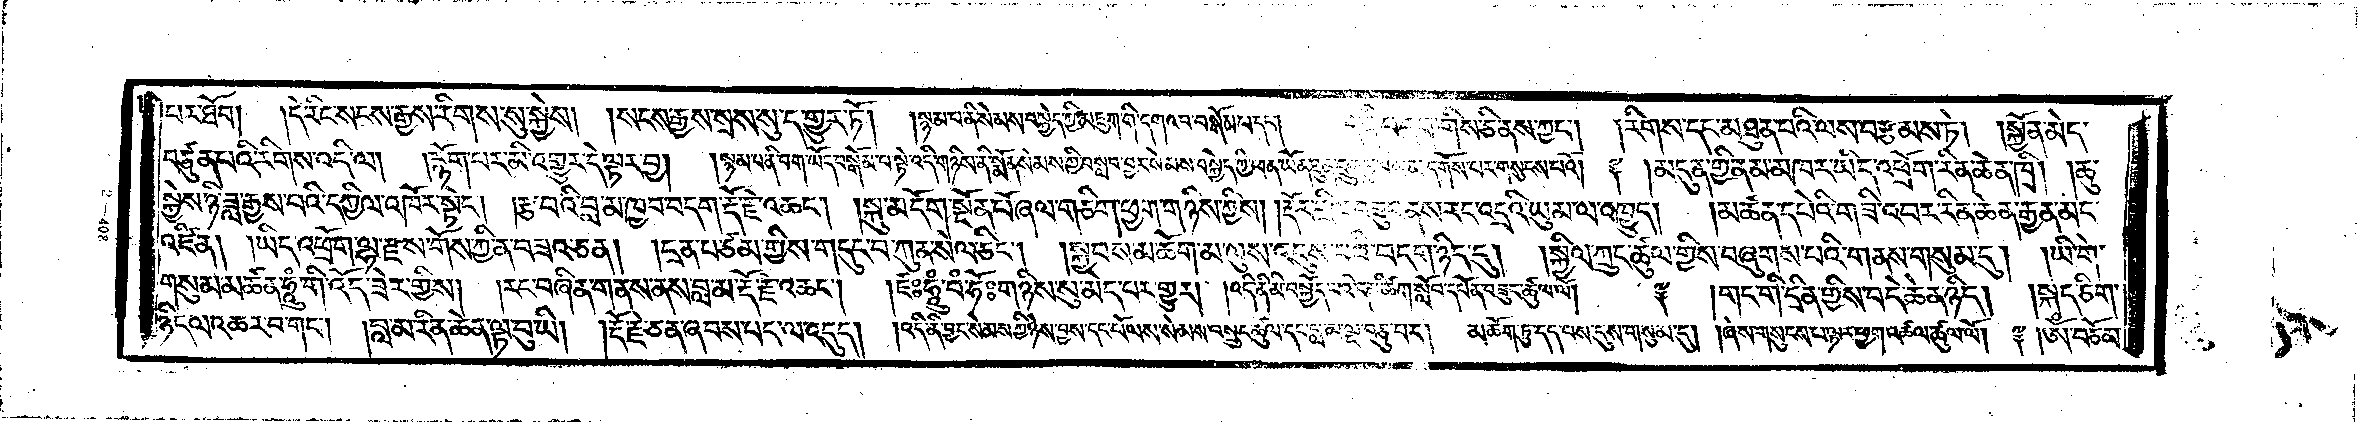པར་ཐོབ། །དེ་རིང་སངས་རྒྱས་རིགས་སུ་སྐྱེས། །སངས་རྒྱས་སྲས་སུ་གྱུར་ཏོ། །སྙམ་པ་ནི་སེམས་བསྐྱེད་ཀྱི་མཇུག་གི་དགའ་བ་བསྒོམ་པ་དང་། ད་ནི་བདག་གིས་ཅི་ནས་ཀྱང་། །རིགས་དང་མཐུན་པའི་ལས་བརྩམས་ཏེ། །སྐྱོན་མེད་
བཙུན་པའི་རིགས་འདི་ལ། །རྙོག་པར་མི་འགྱུར་དེ་ལྟར་བྱ། །སྙམ་པ་ནི་བག་ཡོད་བསྒོམ་པ་སྟེ་འདི་གཉིས་ནི་སྨོན་སེམས་ཀྱི་བསླབ་བྱར་སེམས་བསྐྱེད་ཀྱི་ཕན་ཡོན་ཐུན་དྲུག་ཏུ་བསམ་དགོས་པར་གསུངས་པའོ། ༈ །མདུན་གྱི་ནམ་མཁར་ཡིད་འཕྲོག་རིན་ཆེན་ཁྲི། །ཆུ་
སྐྱེས་ཉི་ཟླ་རྒྱས་པའི་དཀྱིལ་འཁོར་སྟེང་། །རྩ་བའི་བླ་མ་ཁྱབ་བདག་རྡོ་རྗེ་འཆང་། །སྐུ་མདོག་སྔོན་པོ་ཞལ་གཅིག་ཕྱག་གཉིས་ཀྱིས། །རྡོར་དྲིལ་བཟུང་ནས་རང་འདྲའི་ཡུམ་ལ་འཁྱུད། །མཚན་དཔེའི་གཟི་འབར་རིན་ཆེན་རྒྱན་མང་
འཛིན། །ཡིད་འཕྲོག་ལྷ་རྫས་གོས་ཀྱི་ན་བཟའ་ཅན། །དྲན་པ་ཙམ་གྱིས་གདུང་བ་ཀུན་སེལ་ཅིང་། །སྐྱབས་མཆོག་མ་ལུས་འདུས་པའི་བདག་ཉིད་དུ། །སྐྱིལ་ཀྲུང་ཚུལ་གྱིས་བཞུགས་པའི་གནས་གསུམ་དུ། །ཡི་གེ་
གསུམ་མཚན་ཧཱུཾ་གི་འོད་ཟེར་གྱིས། །རང་བཞིན་གནས་ནས་བླ་མ་རྡོ་རྗེ་འཆང་། །ཛཿ ཧཱུཾ་བཾ་ཧོཿ གཉིས་སུ་མེད་པར་གྱུར། །འདི་ནི་མི་བསྐྱོད་པའི་དམ་ཚིག་སློབ་དཔོན་བཟུང་ཚུལ་ཡོ།  ༈ ། གང་གི་དྲིན་གྱིས་བདེ་ཆེན་ཉིད། །སྐད་ཅིག་
ཉིད་ལ་འཆར་བ་གང་། །བླ་མ་རིན་ཆེན་ལྟ་བུ་ཡི། །རྡོ་རྗེ་ཅན་ཞབས་པང་ལ་འདུད། །འདི་ནི་བྱང་སེམས་ཀྱི་ཉེས་བྱས་དང་པོ་ལས་སེམས་བསྲུང་ཚུལ་དང་བླ་མ་ལྔ་བཅུ་བར། མཆོག་ཏུ་དད་པས་དུས་གསུམ་དུ། །ཞེས་གསུངས་པ་ལྟར་ཕྱག་འཚལ་ཚུལ་ལོ།  ༈ །ཨོཾ་བཅོམ་